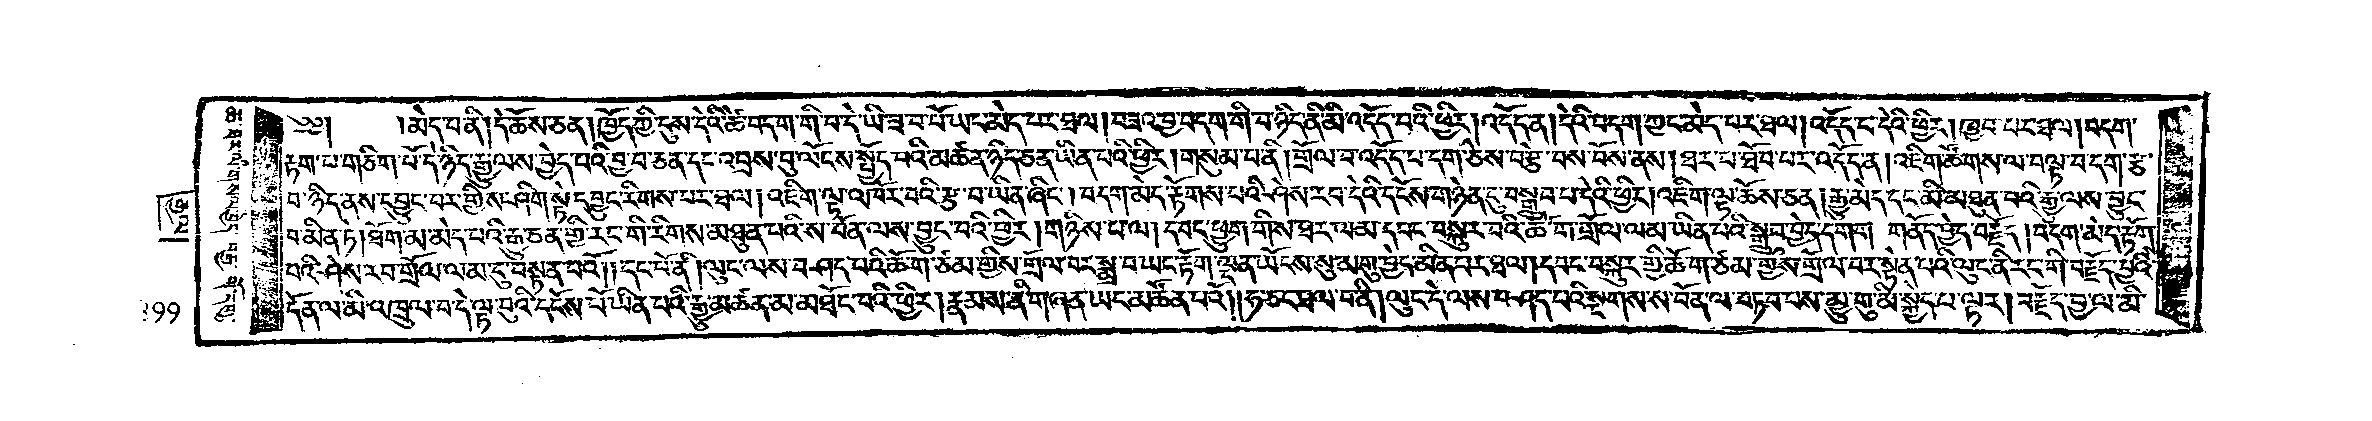༄༅། །མེད་པ་ནི། དེ་ཆོས་ཅན། ཁྱོད་ཀྱི་དུས་དེའི་ཚེ་བདག་གི་བ་དེ་ཡི་ཟ་བ་པོ་ཡང་མེད་པར་ཐལ། བཟའ་བྱ་བདག་གི་བ་ཉིད་ནི་མི་འདོད་པའི་ཕྱིར། འདོད་ན། དེའི་བདག་ཀྱང་མེད་པར་ཐལ། འདོད་པ་དེའི་ཕྱིར། ཁྱབ་པར་ཐལ། བདག་
རྟག་པ་གཅིག་པོ་དེ་ཉིད་རྒྱུ་ལས་བྱེད་པའི་བྱ་བ་ཅན་དང་འབྲས་བུ་ལོངས་སྤྱོད་པའི་མཚན་ཉིད་ཅན་ཡིན་པའི་ཕྱིར། གསུམ་པ་ནི། གྲོལ་བ་འདོད་པ་དག་ཅེས་བརྩེ་བས་བོས་ནས། ཐར་པ་ཐོབ་པར་འདོད་ན། འཇིག་ཚོགས་ལ་བལྟ་བ་དག་རྩ་
བ་ཉིད་ནས་དབྱུང་བར་གྱིས་ཤིག་སྟེ་དབྱུང་རིགས་པར་ཐལ། འཇིག་ལྟ་འཁོར་བའི་རྩ་བ་ཡིན་ཞིང་། བདག་མེད་རྟོགས་པའི་ཤེས་རབ་དེའི་དངོས་གཉེན་དུ་བསྒྲུབ་པ་དེའི་ཕྱིར། འཇིག་ལྟ་ཆོས་ཅན། རྒྱུ་མེད་དང་མི་མཐུན་པའི་རྒྱུ་ལས་བྱུང་
བ་མིན་ཏེ། ཐོག་མ་མེད་པའི་རྒྱུ་ཅན་གྱི་རང་གི་རིགས་མཐུན་པའི་ས་བོན་ལས་བྱུང་བའི་ཕྱིར། གཉིས་པ་ལ། དབང་ཕྱུག་གིས་ཐར་ལམ་དབང་བསྐུར་བའི་ཆོ་ག་གྲོལ་ལམ་ཡིན་པའི་སྒྲུབ་བྱེད་དགག་གནོད་བྱེད་བརྗོད། བདག་མེད་རྟོགས་
བའི་ཤེས་རབ་གྲོལ་ལམ་དུ་བསྟན་པའོ། །དང་པོ་ནི། ལུང་ལས་བཤད་པའི་ཆོ་ག་ཙམ་གྱིས་གྲོལ་བར་སྨྲ་བ་ཡང་རྟོག་ལྡན་ཡོངས་སུ་མགུ་བྱེད་མིན་པར་ཐལ། དབང་བསྐུར་གྱི་ཆོ་ག་ཙམ་གྱིས་གྲོལ་བར་སྟེན་པའི་ལུང་ནི་རང་གི་བརྗོད་བྱའི་
དོན་ལ་མི་འཁྲུལ་བ་དེ་ལྟ་བུའི་དངོས་པོ་ཡིན་པའི་རྒྱུ་མཚན་མ་མཐོང་བའི་ཕྱིར། རྣམས་ནི་གཞན་ཡང་མཚོན་པའོ། །ཧ་ཅང་ཐལ་བ་ནི། ལུང་དེ་ལས་བཤད་པའི་སྔགས་ས་བོན་ལ་བཏབ་པས་མྱུ་གུ་མི་སྐྱེད་པ་ལྟར། བརྗོད་བྱ་ལ་མི་